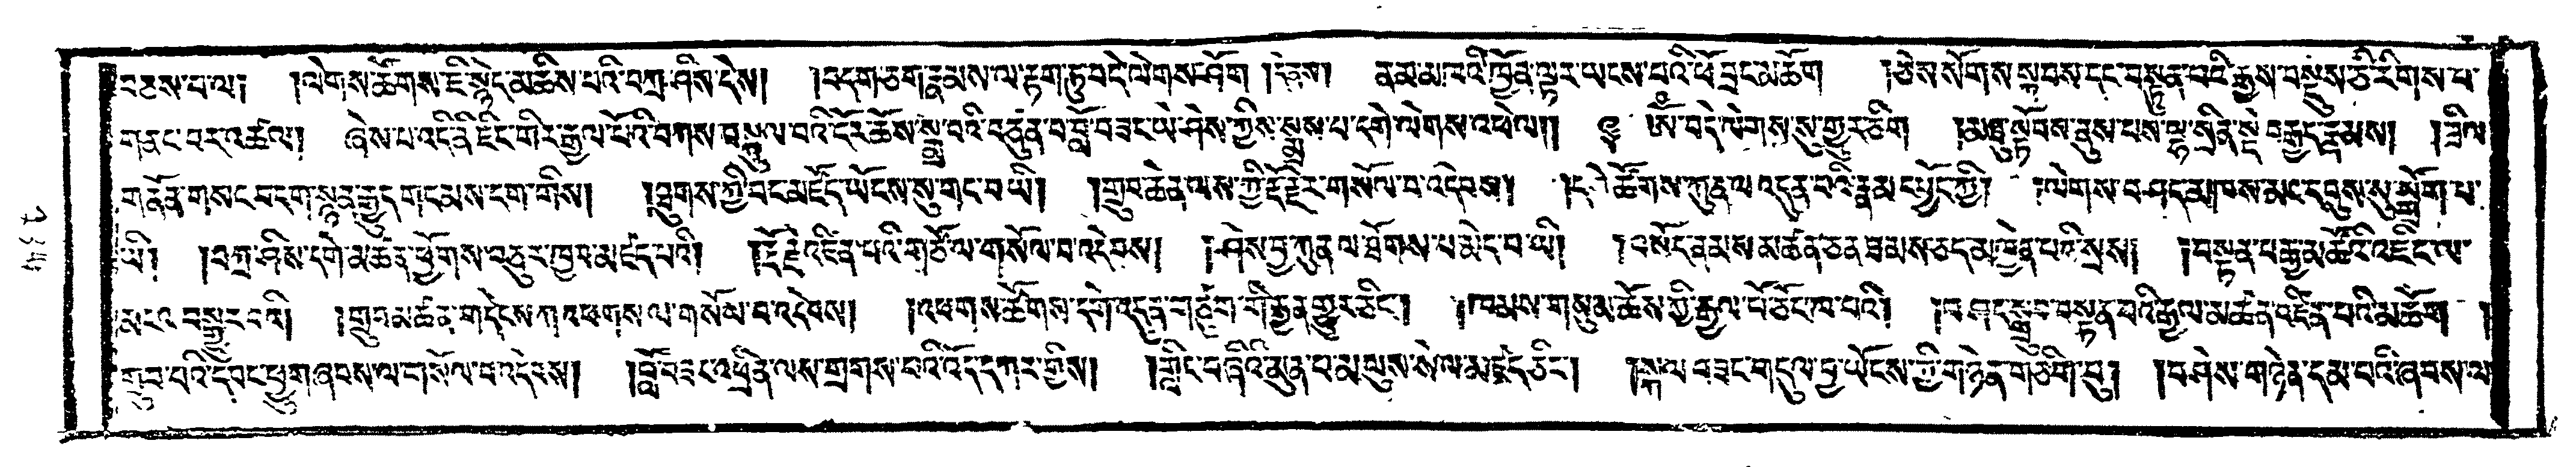བཅས་པ་ལ། །ལེགས་ཚོགས་ཇི་སྙེད་མཆིས་པའི་བཀྲ་ཤིས་དེས། །བདག་ཅག་རྣམས་ལ་རྟག་ཏུ་བདེ་ལེགས་ཤོག །དེ་ནས། ནམ་མཁའི་ཁྱོན་ལྟར་ཡངས་པའི་ཕོ་བྲང་མཆོག །ཅེས་སོགས་སྐབས་དང་བསྟུན་པའི་རྒྱས་བསྡུས་ཅི་རིགས་པ་
གནང་བར་འཚལ། ཞེས་པ་འདི་ནི་ཇིང་གིར་རྒྱལ་པོའི་བཀས་བསྐུལ་བའི་ངོར་ཆོས་སྨྲ་བའི་བཙུན་བ་བློ་བཟང་ཡེ་ཤེས་ཀྱིས་སྨྲས་པ་དགེ་ལེགས་འཕེལ།། ༈ ཨོཾ་བདེ་ལེགས་སུ་གྱུར་ཅིག །མཐུ་སྟོབས་ནུས་པས་ལྷ་སྲིན་སྡེ་བརྒྱད་རྣམས། །ཟིལ་
གནོན་གསང་བདག་སྙན་རྒྱུད་གདམས་ངག་གིས། །ཐུགས་ཀྱི་བང་མཛོད་ཡོངས་སུ་གང་བ་ཡི། །གྲུབ་ཆེན་ལས་ཀྱི་རྡོ་རྗེར་གསོལ་བ་འདེབས། །དགེ་ཚོགས་ཀུན་ལ་འདུན་པའི་རྣམ་དཔྱོད་ཀྱི། །ལེགས་བཤད་མཁས་མང་དབུས་སུ་སྒྲོག་པ་
ཡི། །བཀྲ་ཤིས་དགེ་མཚན་ཕྱོགས་བཅུར་ཁྱབ་མཛད་པའི། །རྡོ་རྗེ་འཛིན་པའི་གཙོ་ལ་གསོལ་བ་འདེབས། །ཤེས་བྱ་ཀུན་ལ་ཐོགས་པ་མེད་བ་ཡི། །བསོད་ནམས་མཚན་ཅན་ཐམས་ཅད་མཁྱེན་པའི་སྲས། །བསྟན་པ་རྒྱ་མཚོའི་འཇིང་ལ་
མངའ་བསྒྱུར་བའི། །གྲུབ་མཚན་གདེངས་ཀ་འཕགས་ལ་གསོལ་བ་འདེབས། །འཕགས་ཚོགས་དགེ་འདུན་གཙུག་གི་རྒྱན་གྱུར་ཅིང་། །ཁམས་གསུམ་ཆོས་ཀྱི་རྒྱལ་པོ་ཙོང་ཁ་པའི། །བཤད་སྒྲུབ་བསྟན་པའི་རྒྱལ་མཚན་འཛིན་པའི་མཆོག །
གྲུབ་པའི་དབང་ཕྱུག་ཞགས་ལ་གསོལ་བ་འདེབས། །བློ་བཟང་འཕྲིན་ལས་གྲགས་པའི་འོད་དཀར་གྱིས། །གླིང་བཞིའི་མུན་པ་མ་ལུས་སེལ་མཛད་ཅིང་། །སྐལ་བཟང་གདུལ་བྱ་ཡོངས་ཀྱི་གཉེན་གཅིག་བུ། །བཤེས་གཉེན་དམ་པའི་ཞབས་ལ་